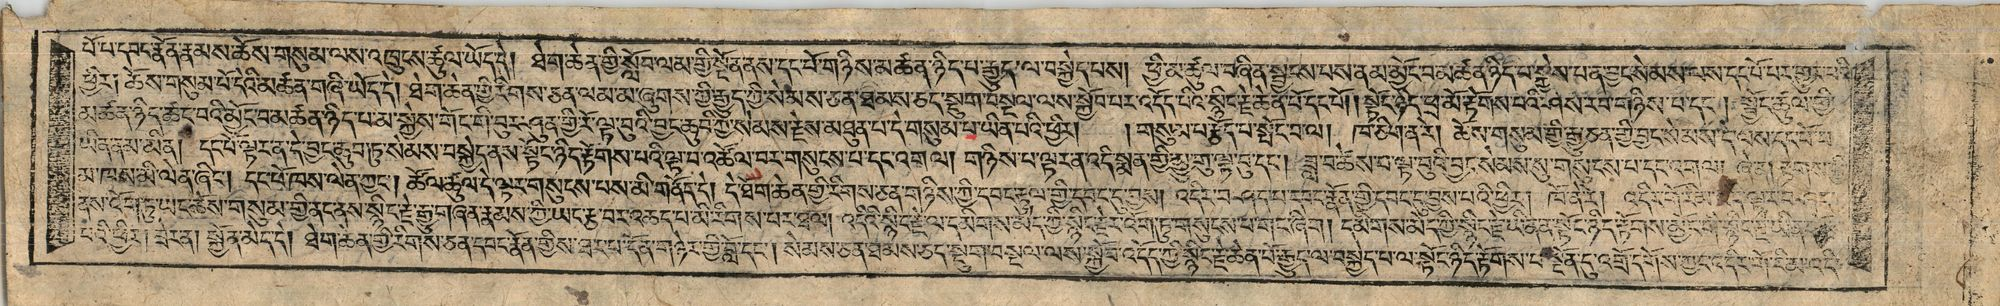པོ་པ་དབང་རྣོན་རྣམས་ཆོས་གསུམ་ལས་འཁྲུངས་ཚུལ་ཡོད་དེ། ཐེག་ཆེན་གྱི་སློབ་ལམ་གྱི་སྔོན་ནས་དང་པོ་གཉིས་མཚན་ཉིད་པ་རྒྱུད་ལ་བསྐྱེད་པས། ཕྱི་མ་ཚུལ་བཞིན་སྦྱངས་པས་ནམ་མྱོང་བ་མཚན་ཉིད་པ་སྐྱེས་པ་ན་བྱང་སེམས་ལས་དང་པོ་པར་གྱུར་པའི་
ཕྱིར༑ ཆོས་གསུམ་པོ་དེའི་མཚན་གཞི་ཡོད་དེ། ཐེག་ཆེན་གྱི་རིགས་ཅན་ལམ་མ་ཞུགས་ཀྱི་རྒྱུད་ཀྱི་སེམས་ཅན་ཐམས་ཅད་སྡུག་བསྔལ་ལས་སྐྱོབ་པར་འདོད་པའི་སྙིང་རྗེ་ཆེན་པོ་དང་པོ། །སྟོང་ཉིད་ཕྲ་མོ་རྟོགས་པའི་ཤེས་རབ་གཉིས་པ་དང་། སྦྱོང་ཚུལ་གྱི་
མཚན་ཉིད་ཚང་བའི་མྱོང་བ་མཚན་ཉིད་པ་མ་སྐྱེས་གོང་གི་བུར་ཤུན་གྱི་རོ་ལྟ་བུའི་བྱང་ཆུབ་ཀྱི་སེམས་རྗེས་མཐུན་པ་དེ་གསུམ་པ་ཡིན་པའི་ཕྱིར། ༈ །གསུམ་པ་རྩོད་པ་སྤོང་བ་ལ། ཁ་ཅིག་ན་རེ། ཆོས་གསུམ་གྱི་རྒྱུ་ཅན་གྱི་བྱང་སེམས་དེ་ལས་དང་པོ་པ་
ཡིན་ནམ་མིན། དང་པོ་ལྟར་ན་དེ་བྱང་ཆུབ་ཏུ་སེམས་བསྐྱེད་ནས་སྟོང་ཉིད་རྟོགས་པའི་ལྟ་བ་འཚོལ་བར་གསུངས་པ་དང་འགལ། གཉིས་པ་ལྟར་ན་འདི་སྨན་གྱི་མྱུ་གུ་ལྟ་བུ་དང་། ཟླ་བ་ཚེས་པ་ལྟ་བུའི་བྱང་སེམས་སུ་གསུངས་པ་དང་འགལ། ཞེ་ན། རྟགས་ཕྱི་
མ་ཁས་མི་ལེན་ཞིང་། དང་པོ་ཁས་ལེན་ཀྱང་། ཚོལ་ཚུལ་དེ་ལྟར་གསུངས་པས་མི་གནོད་དེ། དེ་ཐེག་ཆེན་གྱི་རིགས་ཅན་གཉིས་ཀྱི་དབང་རྟུལ་གྱི་དབང་དུ་བྱས། འདིར་བཤད་པ་དབང་རྣོན་གྱི་དབང་དུ་བྱས་པའི་ཕྱིར། ཁོ་ནེ་རེ། འདིར་གོ་རིམ་འདི་ལྟར་བཤད་
ནས་འོག་ཏུ་ཡང་ཆོས་གསུམ་གྱི་ནང་ནས་སྙིང་རྗེ་རྒྱུ་གཞན་རྣམས་ཀྱི་ཡང་རྩ་བར་འཆད་པ་མི་རིགས་པར་ཐལ། འདིའི་སྙིང་རྗེ་ལ་དམིགས་མེད་ཀྱི་སྙིང་རྗེར་འོག་ཏུ་གསུངས་པ་གང་ཞིག །དམིགས་མེད་ཀྱི་སྙིང་རྗེ་ཡིན་ན་སྟོང་ཉིད་རྟོགས་མྱོང་གི་སྙིང་རྗེ་ཡིན་དགོས་
པའི་ཕྱིར། ཟེར་ན། སྐྱོན་མེད་དེ། ཐེག་ཆེན་གྱི་རིགས་ཅན་དབང་རྣོན་གྱིས་ཐར་པ་དོན་གཉེར་གྱི་བློ་དང་། སེམས་ཅན་ཐམས་ཅད་སྡུག་བསྔལ་ལས་སྐྱོབ་འདོད་ཀྱི་སྙིང་རྗེ་ཆེན་པོ་རྒྱུད་ལ་བསྐྱེད་པ་ལ་སྟོང་ཉིད་རྟོགས་པ་སྔོན་དུ་འགྲོ་དགོས་ཀྱང་འདིར་གོ་རིམ་འདི་